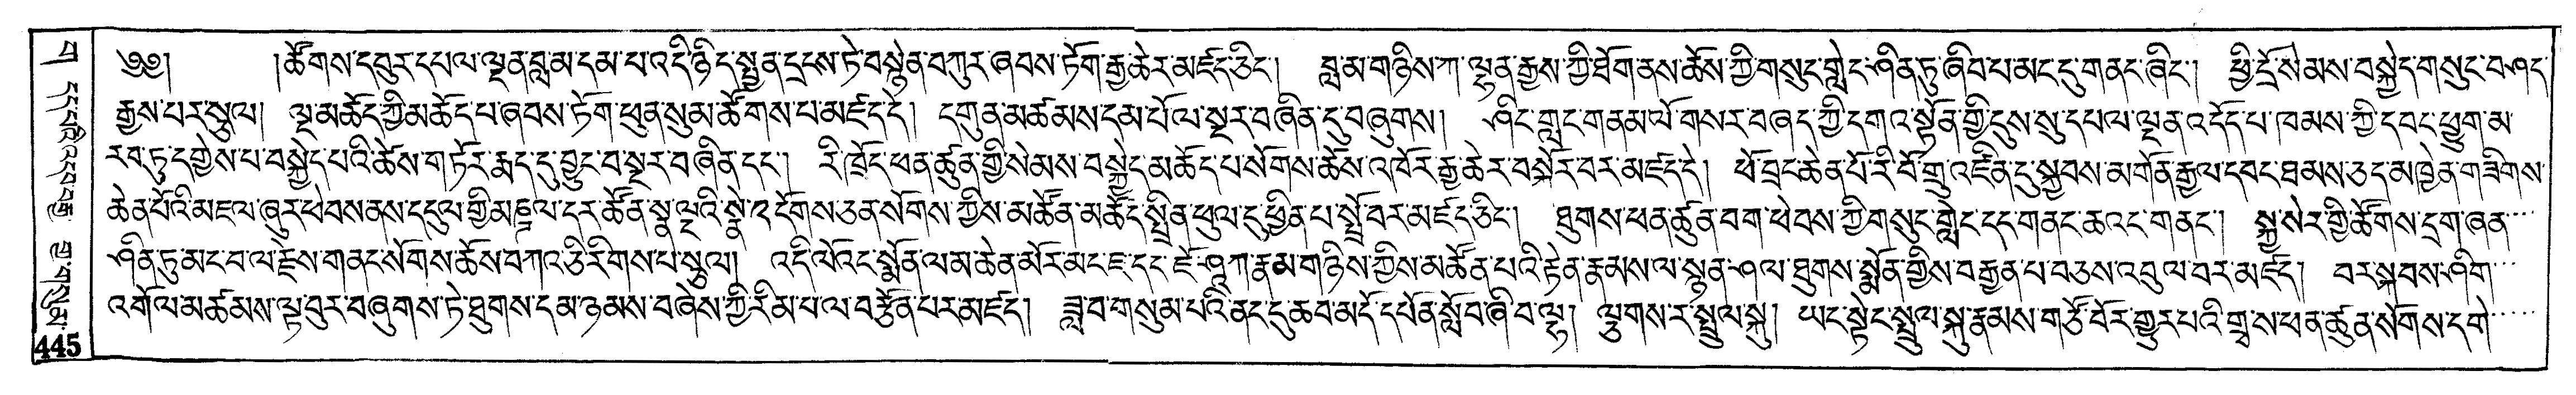༄༅། །ཚོགས་དབུར་དཔལ་ལྡན་བླ་མ་དམ་པ་འདི་ཉིད་སྤྱན་དྲངས་ཏེ་བསྙེན་བཀུར་ཞབས་ཏོག་རྒྱ་ཆེར་མཛད་ཅིང་། བླ་མ་གཉིས་ཀ་ལྷན་རྒྱས་ཀྱི་ཐོག་ནས་ཆོས་ཀྱི་གསུང་གླེང་ཤིན་ཏུ་ཞིབ་པ་མང་དུ་གནང་ཞིང་། ཕྱི་དྲོ་སེམས་བསྐྱེད་གསུང་བཤད་
རྒྱས་པར་སྩལ། ལྔ་མཆོད་ཀྱི་མཆོད་པ་ཞབས་ཏོག་ཕུན་སུམ་ཚོགས་པ་མཛད་དེ། དགུན་མཚམས་དམ་པོ་ལ་སྔར་བཞིན་དུ་བཞུགས། ཤིང་གླང་གནམ་ལོ་གསར་བཞད་ཀྱི་དགའ་སྟོན་གྱི་དུས་སུ་དཔལ་ལྡན་འདོད་པ་ཁམས་ཀྱི་དབང་ཕྱུག་མ་
རབ་ཏུ་དགྱེས་པ་བསྐྱེད་པའི་ཚེས་གཏོར་རྨད་དུ་བྱུང་བ་སྔར་བཞིན་དང་། རི་ཁྲོད་ཕན་ཚུན་གྱི་སེམས་བསྐྱེད་མཆོད་པ་སོགས་ཆོས་འཁོར་རྒྱ་ཆེར་བསྐོར་བར་མཛད་དེ། ཕོ་བྲང་ཆེན་པོ་རི་བོ་གྲུ་འཛིན་དུ་སྐྱབས་མགོན་རྒྱལ་དབང་ཐམས་ཅད་མཁྱེན་གཟིགས་
ཆེན་པོའི་མཇལ་ཞུར་ཕེབས་ནས་དངུལ་གྱི་མཎྜལ་དན་ཚོན་སྣ་ལྔའི་སྣེ་འདོགས་ཅན་སོགས་ཀྱིས་མཚོན་མཆོད་སྤྲིན་ཕུལ་དུ་ཕྱིན་པ་སྤྲོ་བར་མཛད་ཅིང་། ཐུགས་ཕན་ཚུན་བག་ཕེབས་ཀྱི་གསུང་གླེང་དང་གནང་ཆའང་གནང་། སྐྱ་སེར་གྱི་ཚོགས་དྲག་ཞན་
ཤིན་ཏུ་མང་བལ་རྗེས་གནང་སོགས་ཆོས་བཀའ་ཅི་རིགས་པ་སྩལ། འདི་ལོའང་སྨོན་ལམ་ཆེན་མོར་མང་ཇ་དང་ཇོ་ཤཱཀ་རྣམ་གཉིས་ཀྱིས་མཚོན་པའི་རྟེན་རྣམས་ལ་སྙན་ཤལ་ཐུགས་སྨོན་གྱིས་བརྒྱན་པ་བཅས་འབུལ་བར་མཛད། བར་སྐབས་ཤིག་
འགོལ་མཚམས་ལྟ་བུར་བཞུགས་ཏེ་ཐུགས་དམ་ཉམས་བཞེས་ཀྱི་རིམ་པ་ལ་བརྩོན་པར་མཛད། ཟླ་བ་གསུམ་པའི་ནང་དུ་ཆབ་མདོ་དཔོན་སློབ་ཞི་བ་ལྷ། ལྕགས་ར་སྤྲུལ་སྐུ། ཡང་སྟེང་སྤྲུལ་སྐུ་རྣམས་གཙོ་བོར་གྱུར་པའི་གྲྭ་ས་ཕན་ཚུན་སོགས་དགེ་